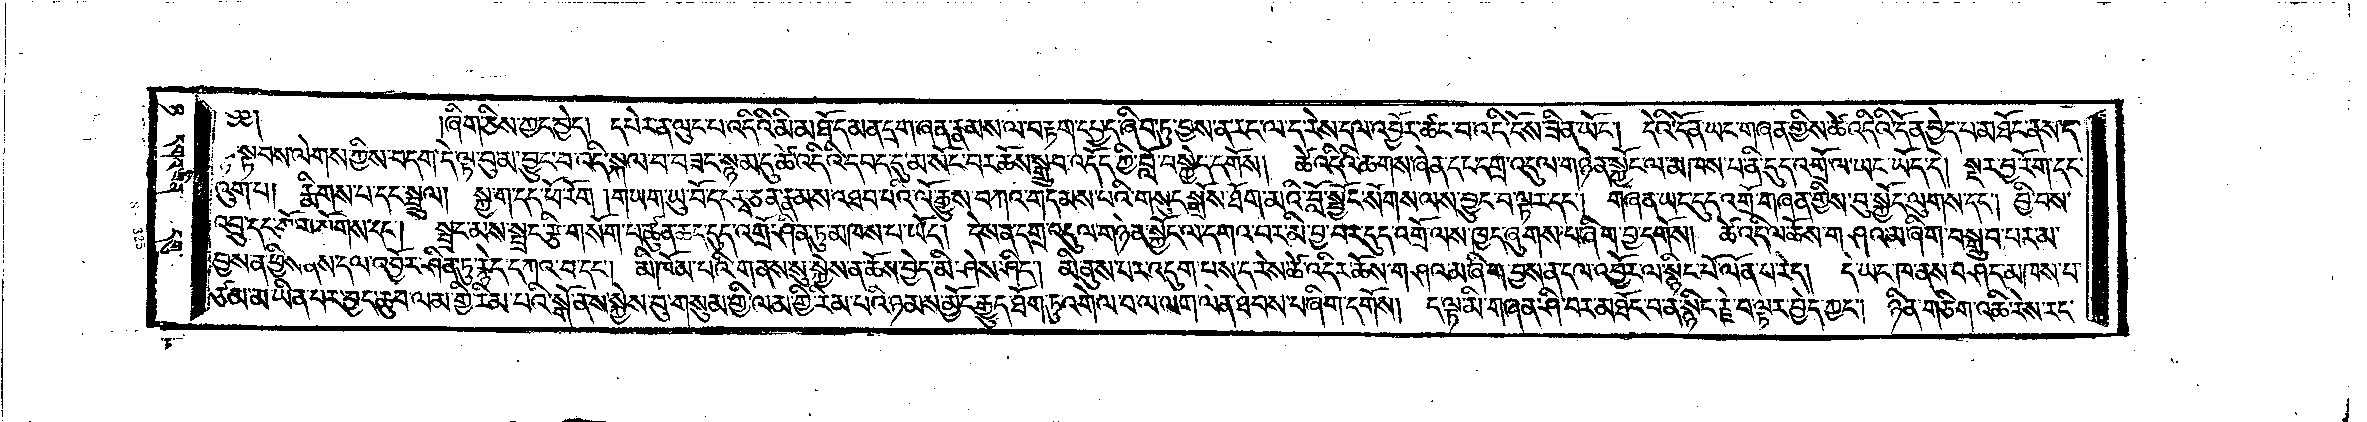༄༅། །ཞིག་ཅིས་ཀྱང་བྱེད། དཔེར་ན་ལུང་པ་འདིའི་མི་མཐོ་དམན་དྲག་ཞན་རྣམས་ལ་བརྟག་དཔྱད་ཞིབ་ཏུ་བྱས་ན་རང་ལ་ད་རེས་དལ་འབྱོར་ཚང་བ་འདི་ངོས་ཟིན་ཡོང་། དེའི་དོན་ཡང་གཞན་གྱིས་ཚེ་འདིའི་དོན་བྱེད་པ་མཐོང་ནས་ད་
ལྟ་སྟབས་ལེགས་ཀྱིས་བདག་དེ་ལྟ་བུ་མ་བྱུང་བ་འདི་སྐལ་བ་བཟང་སྙམ་དུ་ཚེ་འདིའི་དབང་དུ་མ་སོང་བར་ཆོས་སྒྲུབ་འདོད་ཀྱི་བློ་བསྐྱེད་དགོས། ཚེ་འདིའི་ཆགས་ཞེན་དང་དགྲ་འདུལ་གཉེན་སྐྱོང་ལ་མཁས་པ་ནི་དུད་འགྲོ་ལ་ཡང་ཡོད་དེ། སྔར་བྱ་རོག་དང་
འུག་པ། རྨིགས་པ་དང་སྦྲུལ། སྐྱ་ག་དང་ཕོ་རོག །གཡག་ཡུ་བོ་དང་ར་ཅན་རྣམས་འཐབ་པའི་ལོ་རྒྱུས་བཀའ་གདམས་པའི་གསུང་སྒྲོས་ཐོག་མའི་བློ་སྦྱོང་སོགས་ལས་བྱུང་བ་ལྟར་དང་། གཞན་ཡང་དུད་འགྲོ་གཞན་གྱིས་བུ་སྐྱོང་ལུགས་དང་། བྱི་བས་
འབྲུ་དང་གྲོ་མ་སོགས་དང་། སྦྲང་མས་སྦྲང་རྩི་གསོག་པ་ཚུན་ཆད་དུད་འགྲོ་ཤིན་ཏུ་མཁས་པ་ཡོད། དེས་ན་དགྲ་འདུལ་གཉེན་སྐྱོང་ལ་དགའ་བར་མི་བྱ་བར་དུད་འགྲོ་ལས་ཁྱད་ཞུགས་པ་ཞིག་བྱ་དགོས། ཚེ་འདི་ལ་ཆོས་གཤའ་མ་ཞིག་བསྒྲུབ་པར་མ་
བྱས་ན་ཕྱིས་ནས་དལ་འབྱོར་ཤིན་ཏུ་རྙེད་དཀའ་བ་དང་། མི་ཁོམ་པའི་གནས་སུ་སྐྱེས་ན་ཆོས་བྱེད་མི་ཤེས་ཤིང་། མི་ནུས་པར་འདུག་པས་ད་རེས་ཚེ་འདིར་ཆོས་གཤའ་མ་ཞིག་བྱས་ན་དལ་འབྱོར་ལ་སྙིང་པོ་ལོན་པ་རེད། དེ་ཡང་ཁ་ནས་བཤད་མཁས་པ་
ཙམ་མ་ཡིན་པར་བྱང་ཆུབ་ལམ་གྱི་རིམ་པའི་སྒོ་ནས་སྐྱེས་བུ་གསུམ་གྱི་ལམ་གྱི་རིམ་པའི་ཉམས་མྱོང་རྒྱུད་ཐག་ཏུ་འགེལ་བ་ལ་ལག་ལེན་ཐེབས་པ་ཞིག་དགོས། ད་ལྟ་མི་གཞན་ཤི་བར་མཐོང་བ་ན་སྙིང་རྗེ་བ་ལྟར་བྱེད་ཀྱང་། ཉིན་གཅིག་འཆི་རེས་རང་